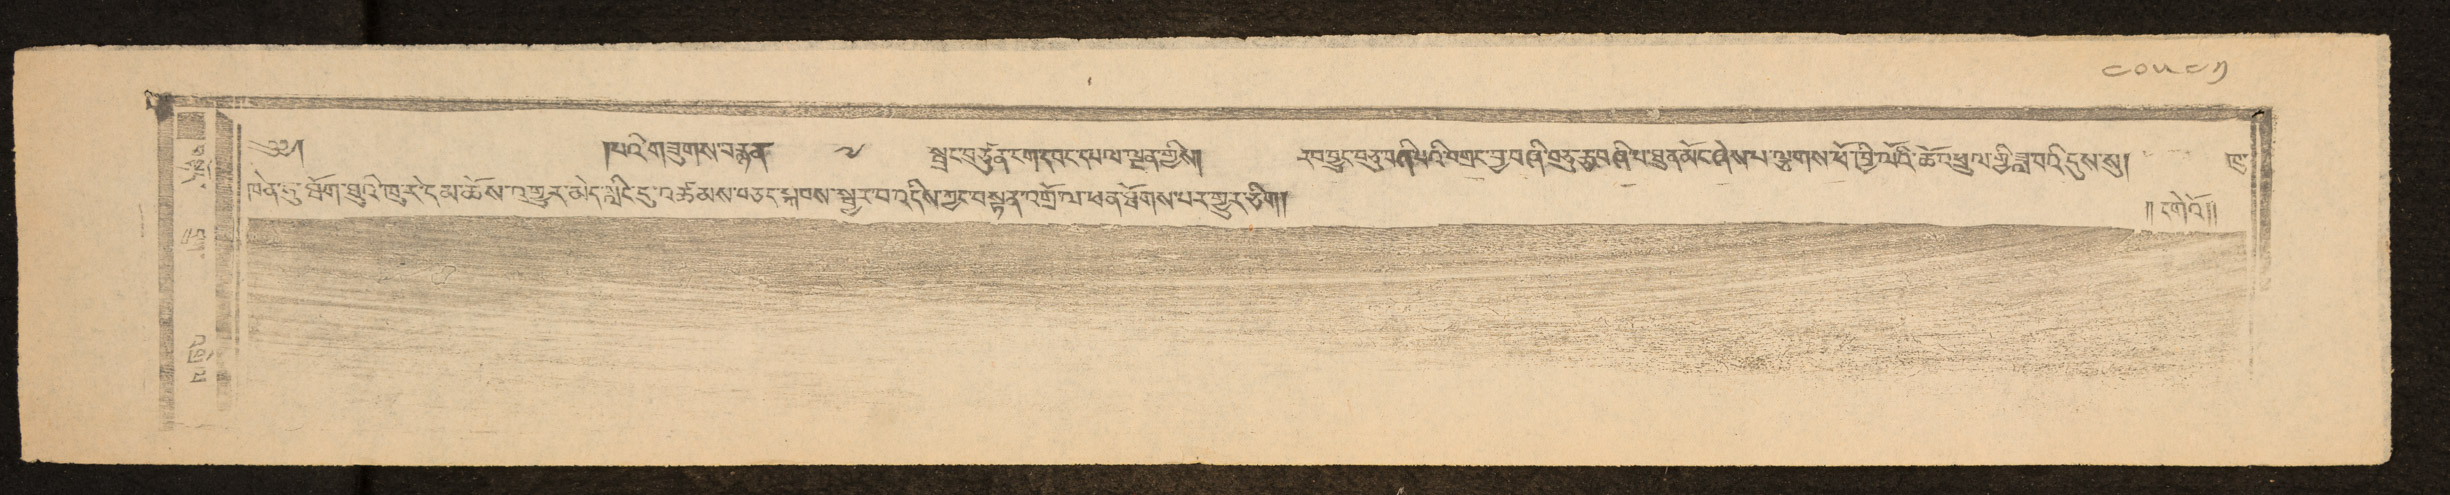༄༅། །བའི་གཟུགས་བརྙན་༧་སྤྲང་བཙུན་ངག་དབང་དཔལ་ལྡན་གྱིས། རབ་བྱུང་བཅུ་བཞི་པའི་འགྲང་བྱ་བཞི་བཅུ་རྩ་བཞི་པ་ཐུན་མོང་ཞེས་པ་ལྕགས་ཕོ་ཁྱི་ལོའི་ཆོ་འཕྲུལ་གྱི་ཟླ་བའི་དུས་སུ། ཁུ་
ཁེན་ཧུ་ཐོག་ཐུའི་ཁུར་དམ་ཆོས་འགྱུར་མེད་གླིང་དུ་འཚམས་བཅད་སྐབས་སྦྱར་བ་འདིས་ཀྱང་བསྟན་འགྲོ་ལ་ཕན་ཐོགས་པར་གྱུར་ཅིག། །།དགེའོ།།